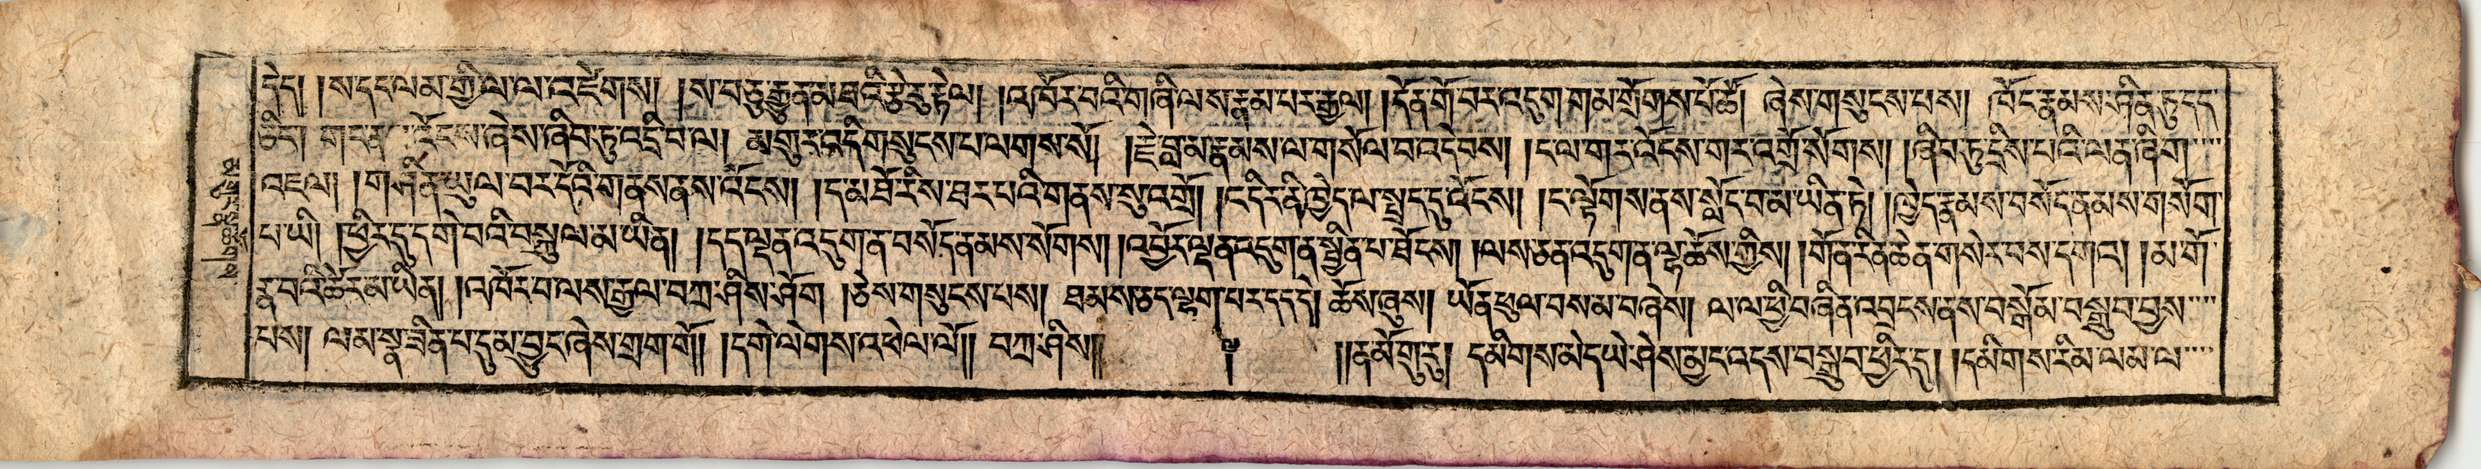དེད། །ས་དང་ལམ་གྱི་ལ་ལ་འཛེགས། །ས་བཅུ་རྒྱུན་མཐའི་རྩེ་རུ་རྟེལ། །འཁོར་བའི་གཞི་ལས་རྣམ་པར་རྒྱལ། །དོན་གོ་བར་འདུག་གམ་གྲོགས་པོ་ཚོ། །ཞེས་གསུངས་པས། ཁོང་རྣམས་ཤིན་ཏུ་དད་
ཅིང་། གང་ནས་འོང་ཞེས་ཞིབ་ཏུ་འདྲི་བ་ལ། མགུར་འདི་གསུངས་པ་ལགས་སོ། །རྗེ་བླ་མ་རྣམས་ལ་གསོལ་བ་འདེབས། །ང་ལ་གར་འོངས་གར་འགྲོ་སོགས། །ཞིབ་ཏུ་དྲིས་པའི་ལན་ཞིག་
འཇལ། །གཞན་ཡུལ་བར་དོའི་གནས་ནས་འོངས། །ད་མཐོ་རིས་ཐར་པའི་གནས་སུ་འགྲོ། །འདིར་ནི་ཁྱེད་ལ་སྤྲང་དུ་འོངས། །ང་ལྟོགས་ནས་སློང་བ་མ་ཡིན་ཏེ། །ཁྱེད་རྣམས་བསོད་ནམས་གསོག་
པ་ཡི། །ཕྱིར་དུ་དགེ་བའི་བསྐུལ་མ་ཡིན། །དད་ལྡན་འདུག་ན་བསོད་ནམས་སོགས། །འབྱོར་ལྡན་འདུག་ན་སྦྱིན་པ་ཐོངས། །ལས་ཅན་འདུག་ན་ལྷ་ཆོས་གྱིས། །གོ་ན་རིན་ཆེན་གསེར་བས་དགའ། །མ་གོ་
གླུ་བའི་ཚེར་མ་ཡིན། །འཁོར་བ་ལས་རྒྱལ་བཀྲ་ཤིས་ཤོག །ཅེས་གསུངས་པས། ཐམས་ཅད་ལྷག་པར་དད་དེ། ཆོས་ཞུས། ཡོན་ཕུལ་བས་མ་བཞེས། ལ་ལ་ཕྱི་བཞིན་འབྲངས་ནས་བསྒོམ་བསྒྲུབ་བྱས་
པས། ལམ་སྣ་ཟིན་པ་དུ་མ་བྱུང་ཞེས་གྲག་གོ། །དགེ་ལེགས་འཕེལ་ལོ།། བཀྲ་ཤིས།། །།ན་མོ་གུ་རུ། དམིགས་མེད་ཡེ་ཤེས་མྱང་འདས་བསྒྲུབ་ཕྱིར་དུ། །དམིགས་རིམ་ལམ་ལ་